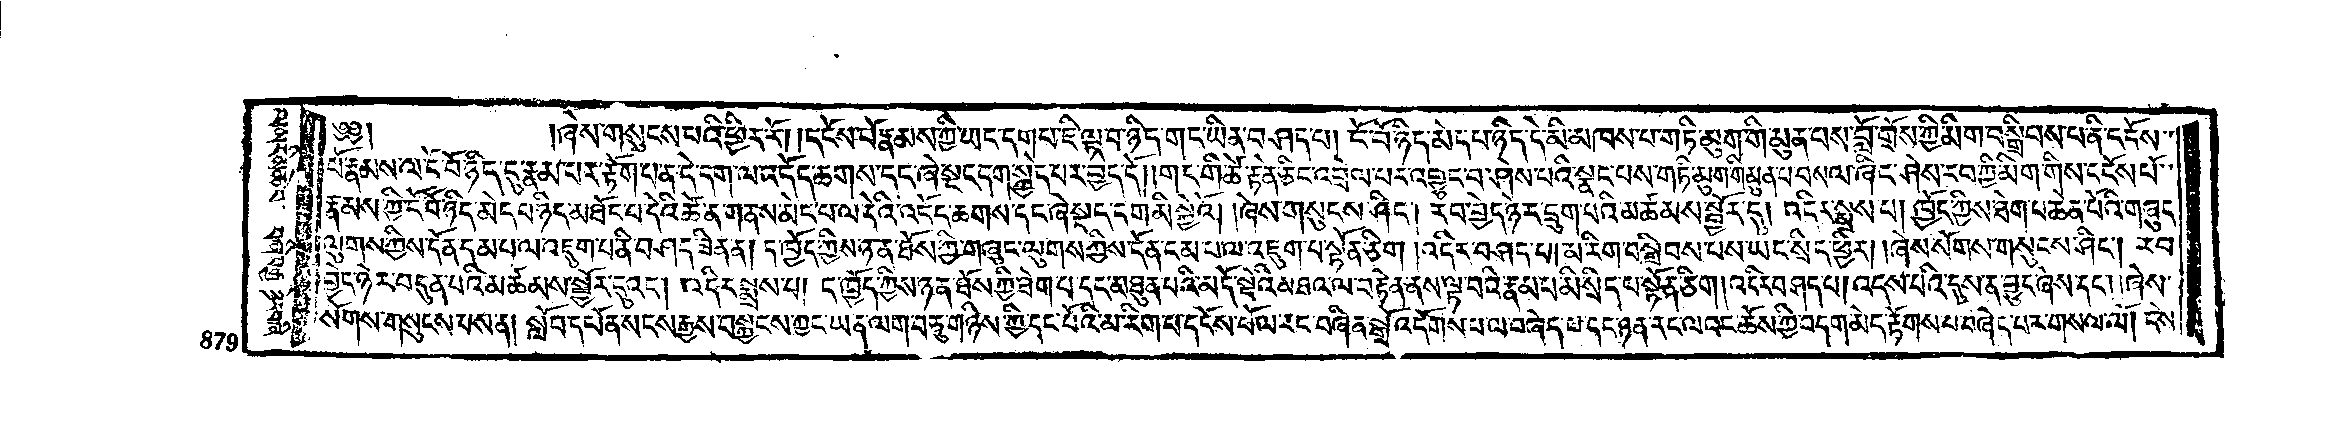༄༅། །ཞེས་གསུངས་པའི་ཕྱིར་རོ། །དངོས་པོ་རྣམས་ཀྱི་ཡང་དག་པ་ཇི་ལྟ་བ་ཉིད་གང་ཡིན་བཤད་པ། ངོ་བོ་ཉིད་མེད་པ་ཉིད་དེ་མི་མཁས་པ་གཏི་མུག་གི་མུན་པས་བློ་གྲོས་ཀྱི་མིག་བསྒྲིབས་པ་ནི་དངོས་
པོ་རྣམས་ལ་ངོ་བོ་ཉིད་དུ་རྣམ་པར་རྟོག་པ་ན་དེ་དག་ལ་འདོད་ཆགས་དང་ཞེ་སྡང་དག་སྐྱེད་པར་བྱེད་དོ། །གང་གི་ཚེ་རྟེན་ཅིང་འབྲེལ་པར་འབྱུང་བ་ཤེས་པའི་སྣང་བས་གཏི་མུག་གི་མུན་པ་བསལ་ཞིང་ཤེས་རབ་ཀྱི་མིག་གིས་དངོས་པོ་
རྣམས་ཀྱི་ངོ་བོ་ཉིད་མེད་པ་ཉིད་མཐོང་བ་དེའི་ཚེ་ན་གནས་མེད་པ་ལ་དེའི་འདོད་ཆགས་དང་ཞེ་སྡང་དག་མི་སྐྱེའོ། །ཞེས་གསུངས་ཤིང་། རབ་བྱེད་ཉེར་དྲུག་པའི་མཚམས་སྦྱོར་དུ། འདིར་སྨྲས་པ། ཁྱོད་ཀྱིས་ཐེག་པ་ཆེན་པོའི་གཞུང་
ལུགས་ཀྱིས་དོན་དམ་པ་ལ་འཇུག་པ་ནི་བཤད་ཟིན་ན། ད་ཁྱོད་ཀྱིས་ཉན་ཐོས་ཀྱི་གཞུང་ལུགས་ཀྱིས་དོན་དམ་པ་ལ་འཇུག་པ་སྟོན་ཅིག །འདིར་བཤད་པ། མ་རིག་བསྒྲིབས་པས་ཡན་གསྲིད་ཕྱིར། །ཞེས་སོགས་གསུངས་ཤིང་། རབ་
བྱེད་ཉེར་བདུན་པའི་མཚམས་སྦྱོར་དུའང་། །འདིར་སྨྲས་པ། ད་ཁྱོད་ཀྱིས་ཉན་ཐོས་ཀྱི་ཐེག་པ་དང་མཐུན་པའི་མདོ་སྡེའི་མཐའ་ལ་བརྟེན་ནས་ལྟ་བའི་རྣམ་པ་མི་སྲིད་པ་སྟོན་ཅིག །འདིར་བཤད་པ། འདས་པའི་དུས་ན་བྱུང་ཞེས་དང་། །ཞེས་
སོགས་གསུངས་པས་ན། སློབ་དཔོན་སངས་རྒྱས་བསྐྱངས་ཀྱང་ཡན་ལག་བཅུ་གཉིས་ཀྱི་དང་པོའི་མ་རིག་པ་དངོས་པོ་ལ་རང་བཞིན་སྒྲོ་འདོགས་པ་ལ་བཞེད་པ་དང་ཉན་རང་ལའང་ཆོས་ཀྱི་བདག་མེད་རྟོགས་པ་བཞེད་པར་གསལ་ལོ། །དེས་